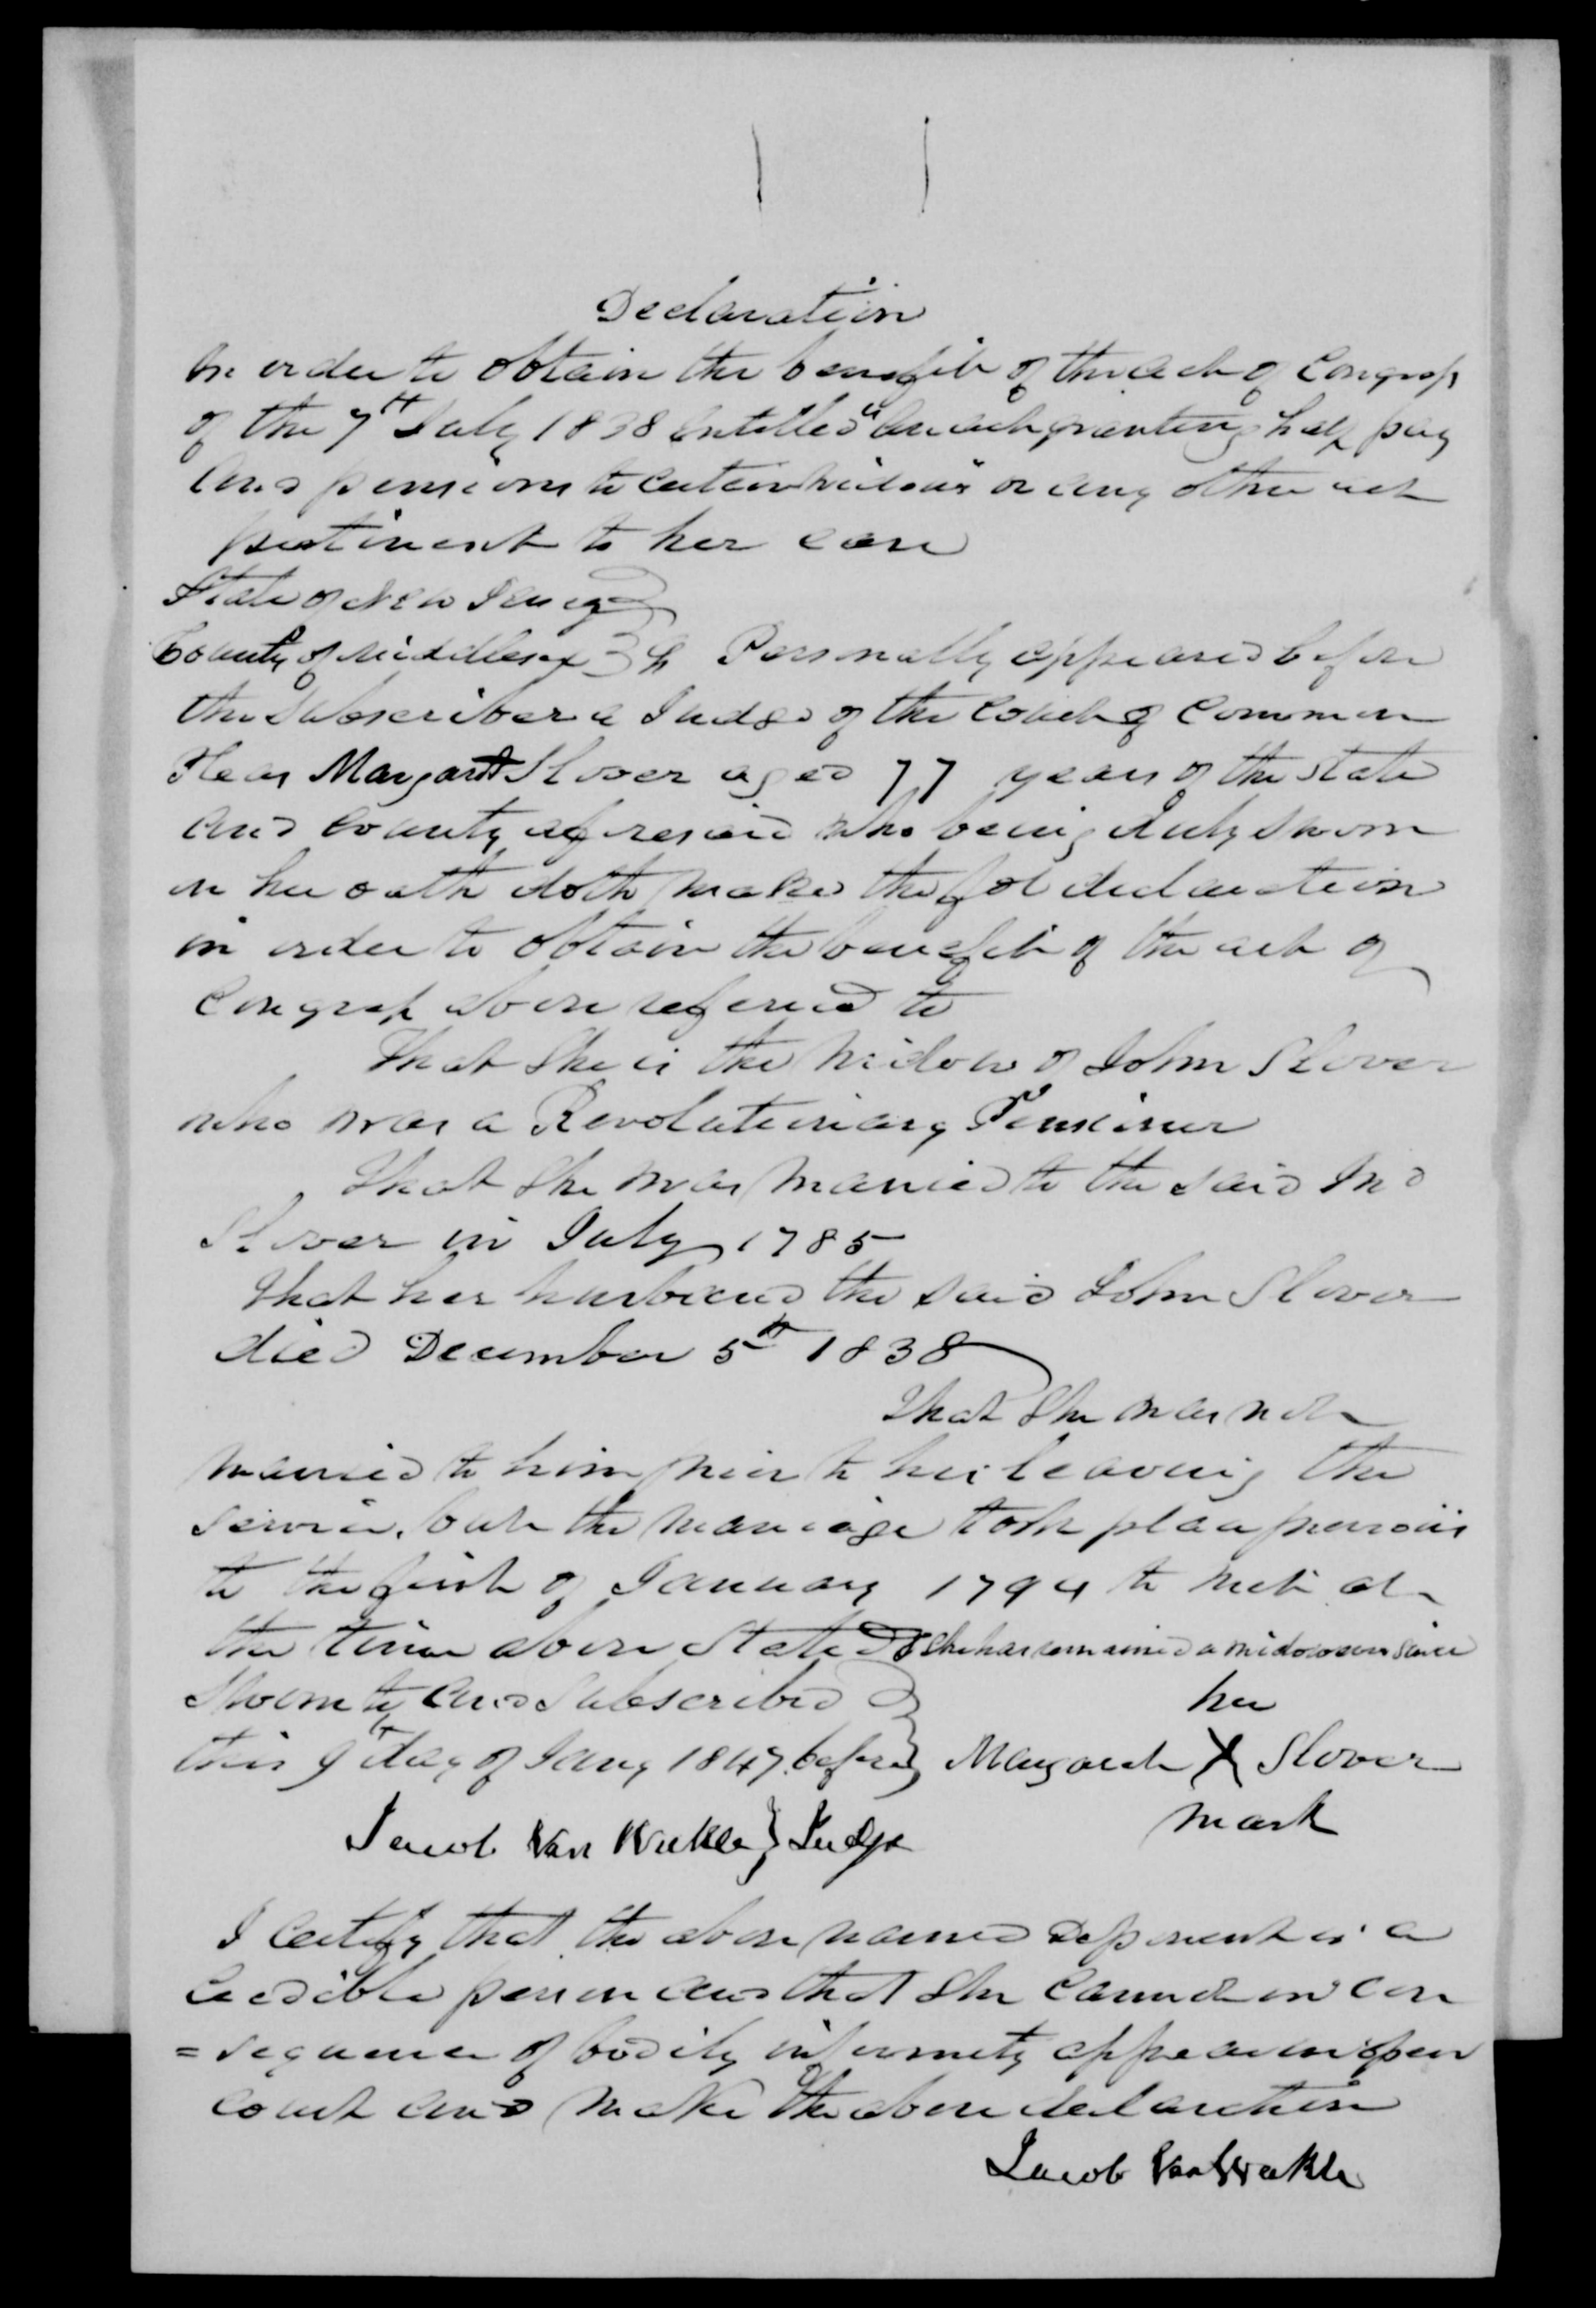Declaration.

In order to obtain the benefit of the Act of Congress of the 7th July 1838 entitled, "An act granting half pay and pensions to certain widows," or any other act pertinent to her case.

State New Jersey
County of Middlesex//

Personally appeared before the subscriber, a Judge of the Court of Common Pleas, Margaret Slover, aged 77 years, of the State and County aforesaid, who being duly sworn on her oath doth make the fol(lowing) declaration in order to obtain the benefit of the Act of Congress above referred to.

That she is the widow of John Slover, who was a Revolutionary Pensioner.

That she was married to the said Jno. Slover in July 1785.

That her husband, the said John Slover, died December 5th 1838.

That she was not married to him prior to his leaving the service but the marriage took place previous to the First of January 1794. To wit.: At the time above stated & she has remained a widow since.
s/ Margaret Slover (X - her mark)

Sworn to and subscribed this 9th day of Jan. 1847 before me.
s/ Jacob Van Winkle, Judge

I certify that the above named deponent is a credible person and that she cannot, in consequence of bodily infirmity, appear in Open Court and make the above declaration.
s/ Jacob Van Winkle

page: 9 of 46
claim: widow's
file: W. 6205, for John Slover, New Jersey